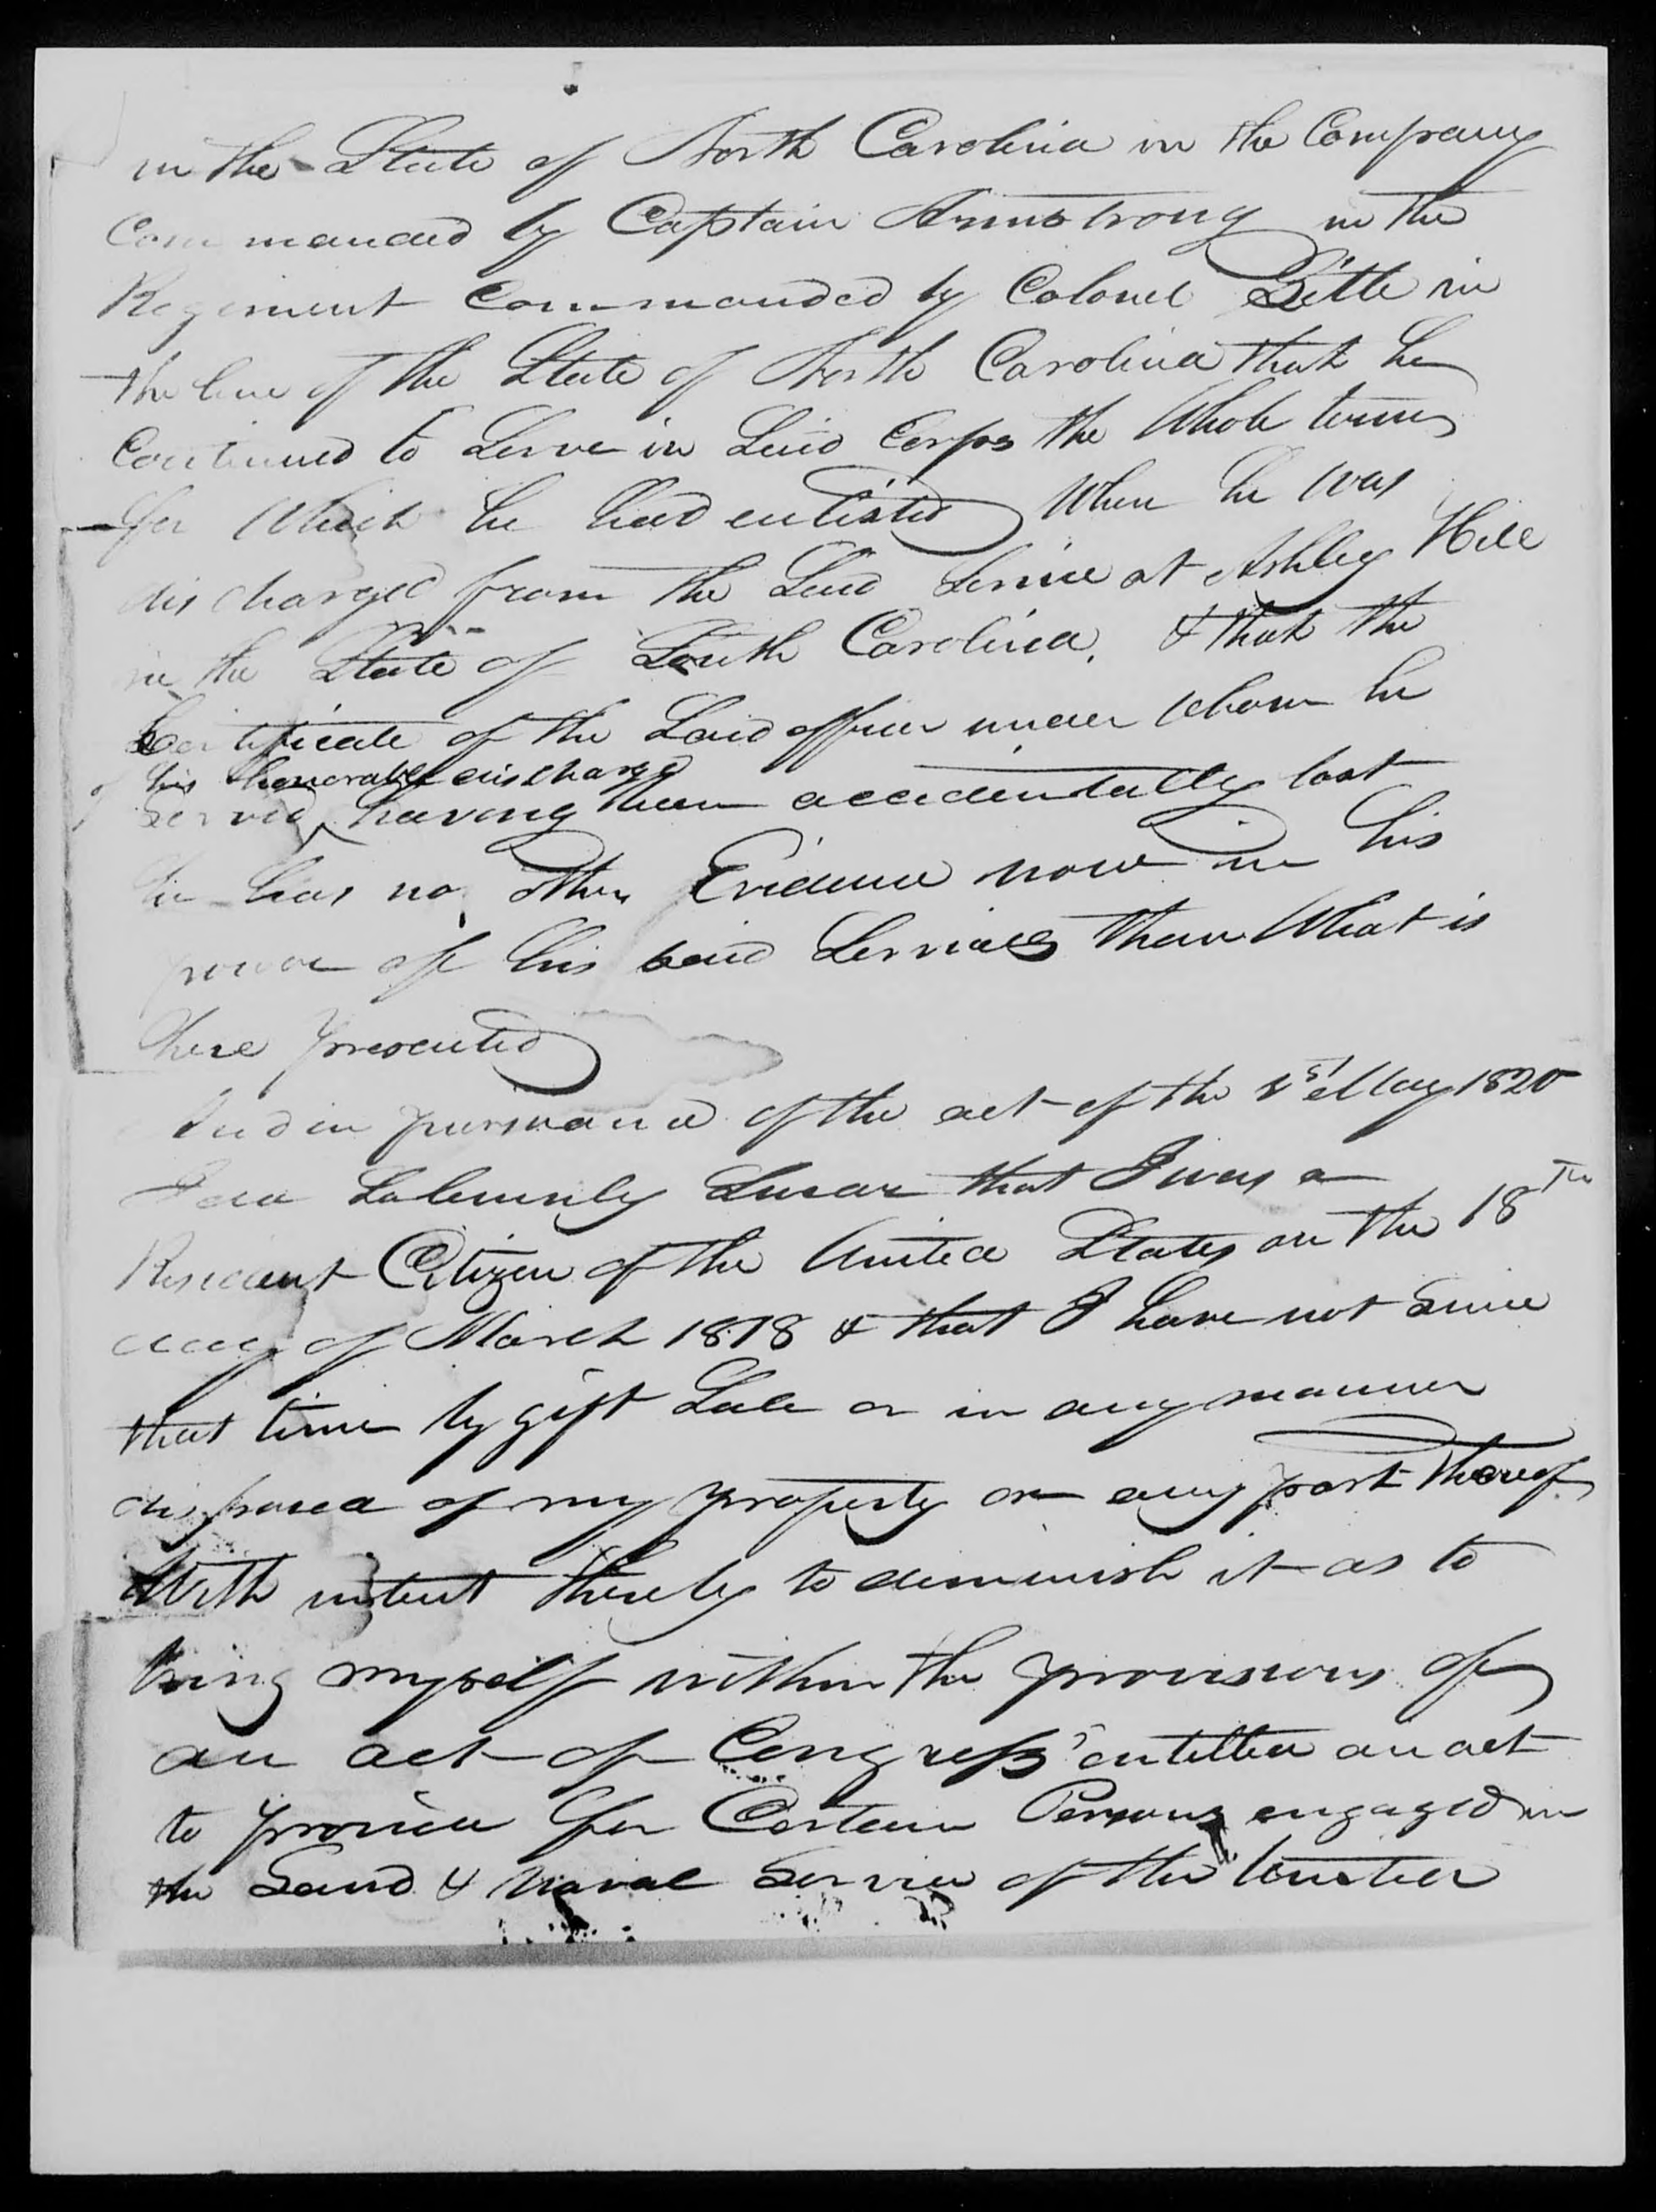in the state of North Carolina in the company commanded by Captain Armstrong in the regiment commanded by Colonel Bitle in the line of the state of North Carolina that he continued to serve in said corps the whole time for which he had enlisted when he was discharged from the said service at Ashley Hill in the state of South Carolina & that the certificate of his honorable discharge of the said officer under whom he served having then accidentally lost he has no other evidence now in his power of his said service than what is here presented.  

And in pursuance of the act of the 1st May 1820
I do solemnly swear that I was a resident citizen of the United States on the 18 day of March 1818 & that I have not since that time by gift sale or any manner dispersed of my property or any part thereof with intent thereby to diminish it as to bring myself within the provisions of an act of congress on *** an act to provide for certain persons engaged in the land and naval service of the United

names: Ashley Hill, Armstrong, Gith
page: 8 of 29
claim: survivor's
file: S. 37,795, Benjamin Bolton, N.C.